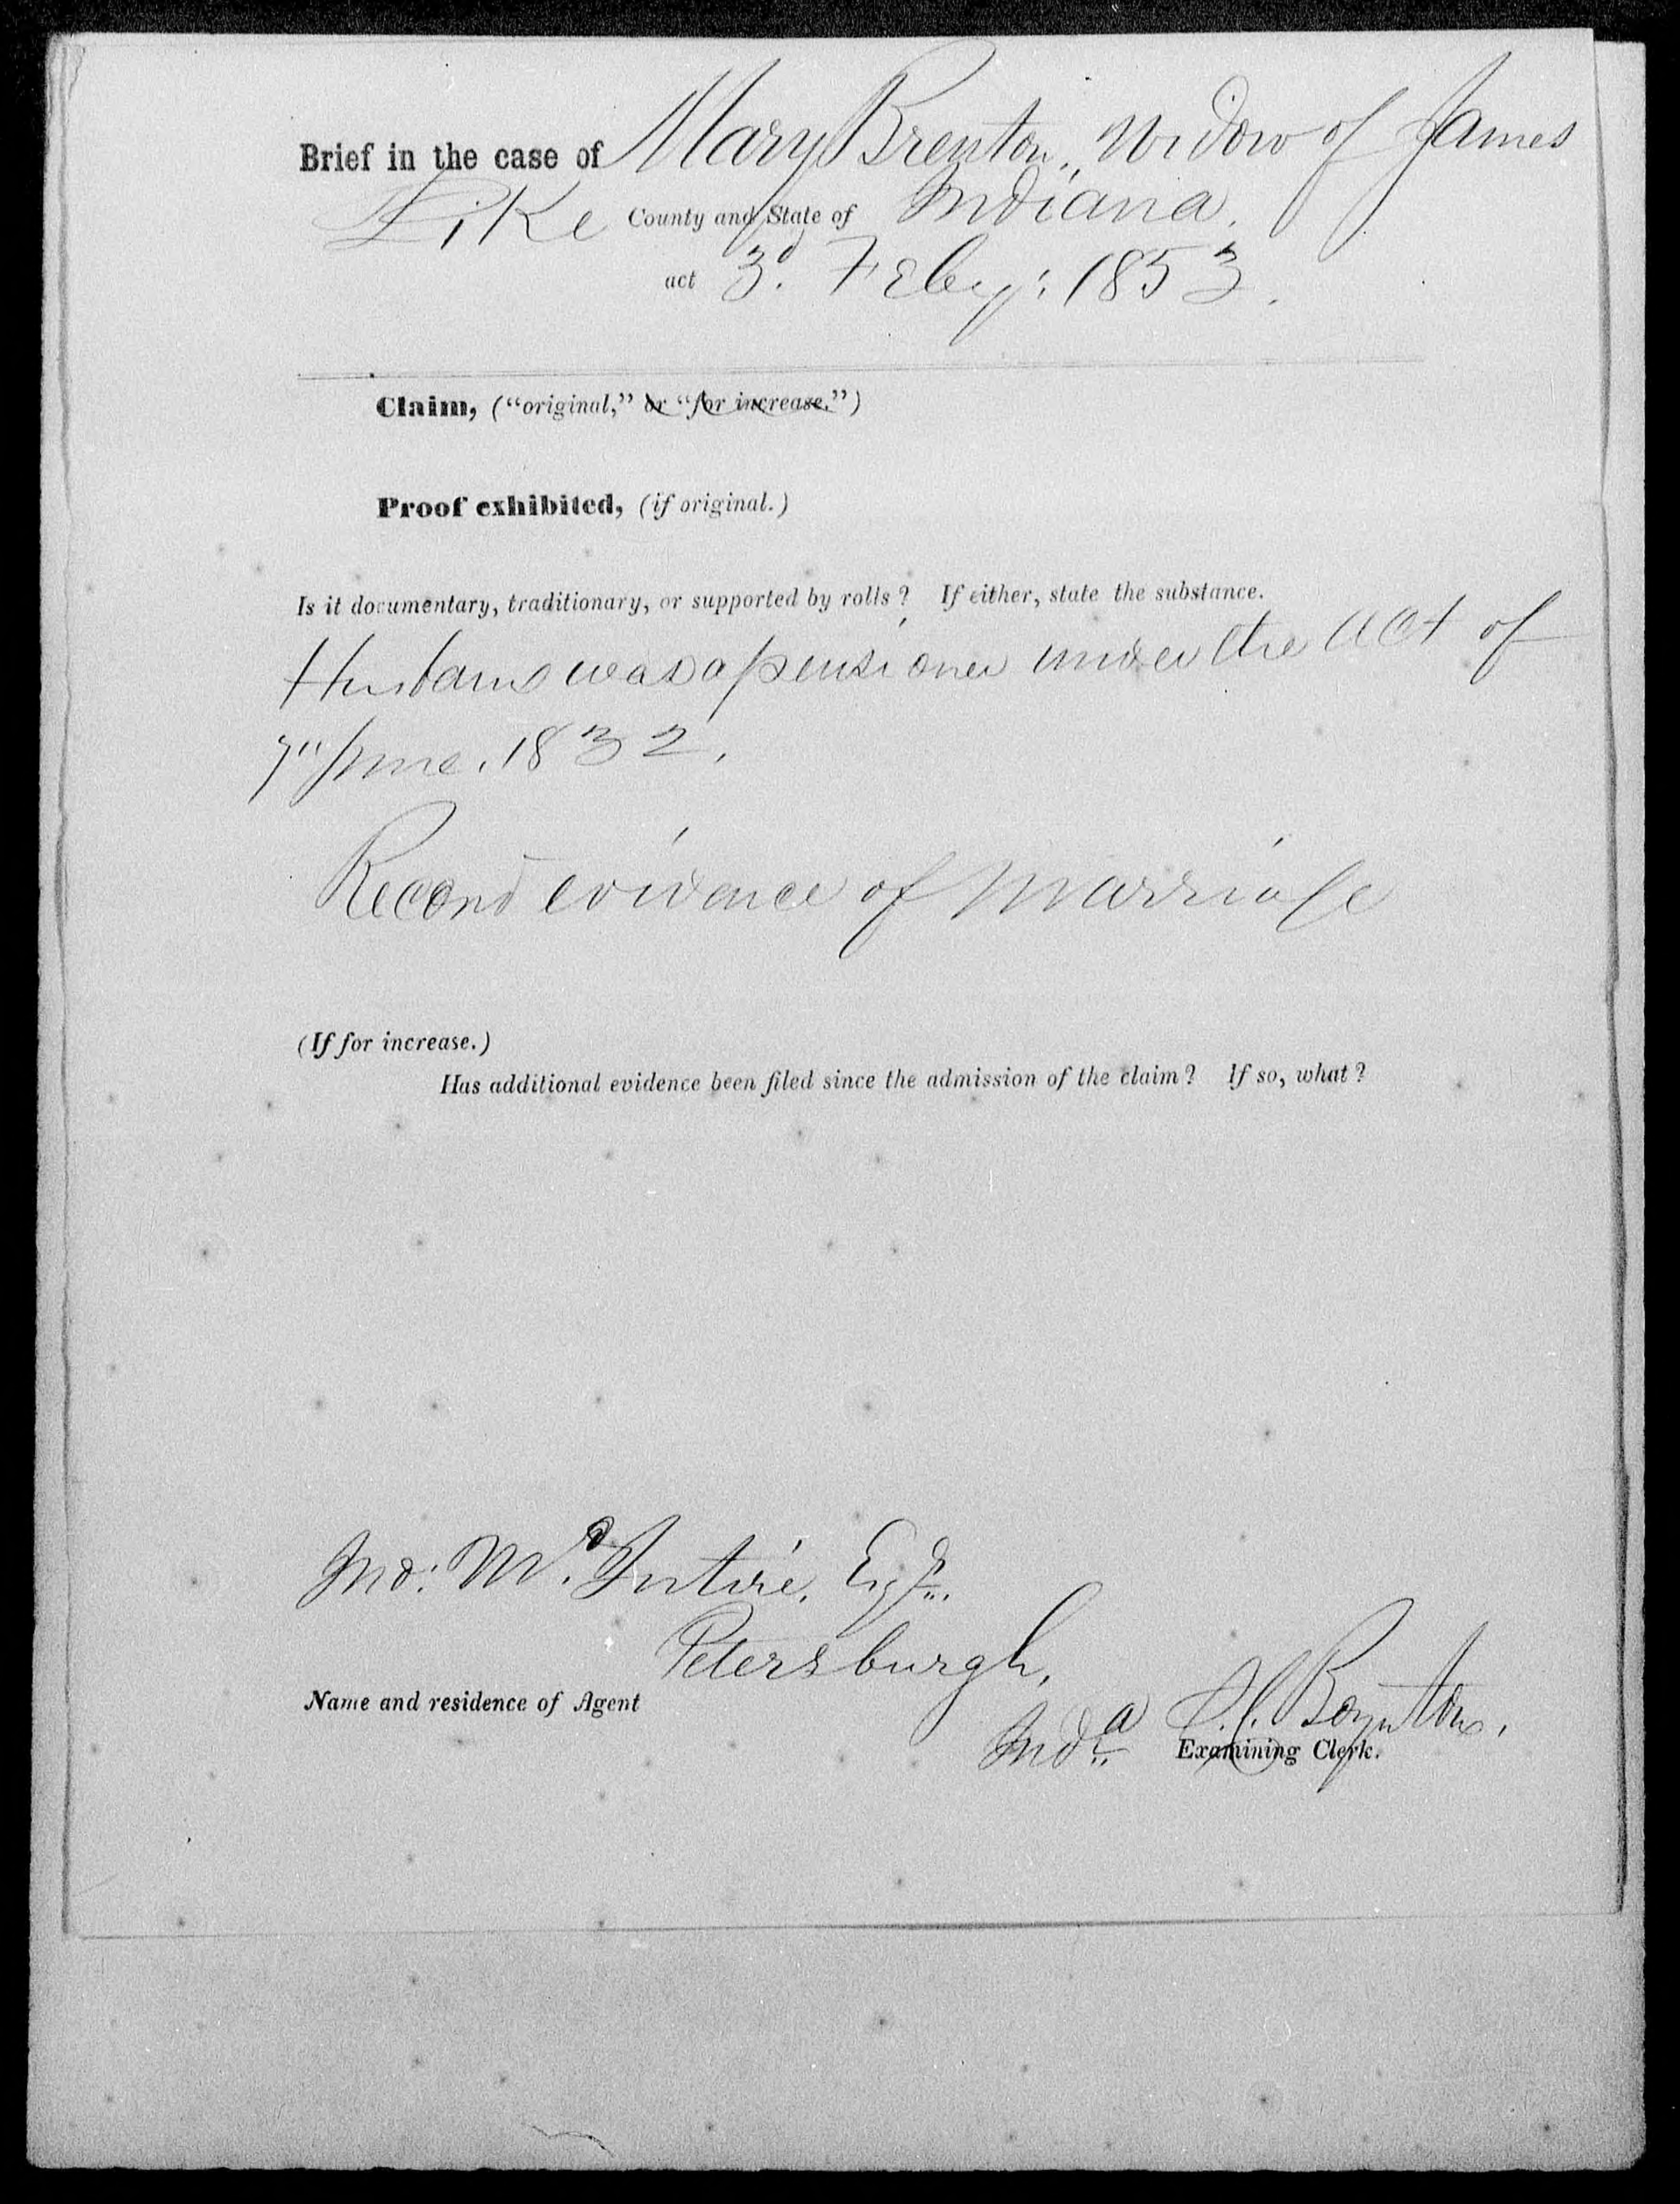Brief in the case of Mary Brenton, widow of James Pike County and State of Indiana
act 3rd Feby. 1853
Claim, ("original")
Proof exhibited, (if original)
Is it documentary, traditionary, or supported by rolls? If either, state the substance.
Husband was a pensioner under the Act of 7th June, 1832.
Record evidence of marriage
(If for increase.)
Has additional evidence been filed since the admission of the claim? If so, what?

Jno. McIntire, Esq.
Petersburgh, Ind.
Name and residence of Agent S. C. Boynton, Examining Clerk.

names: S C Boynton, Jno Mc Intire, Mary Brenton, James Pike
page: 31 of 49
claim: widow's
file: W. 2518, James Brenton, Va.